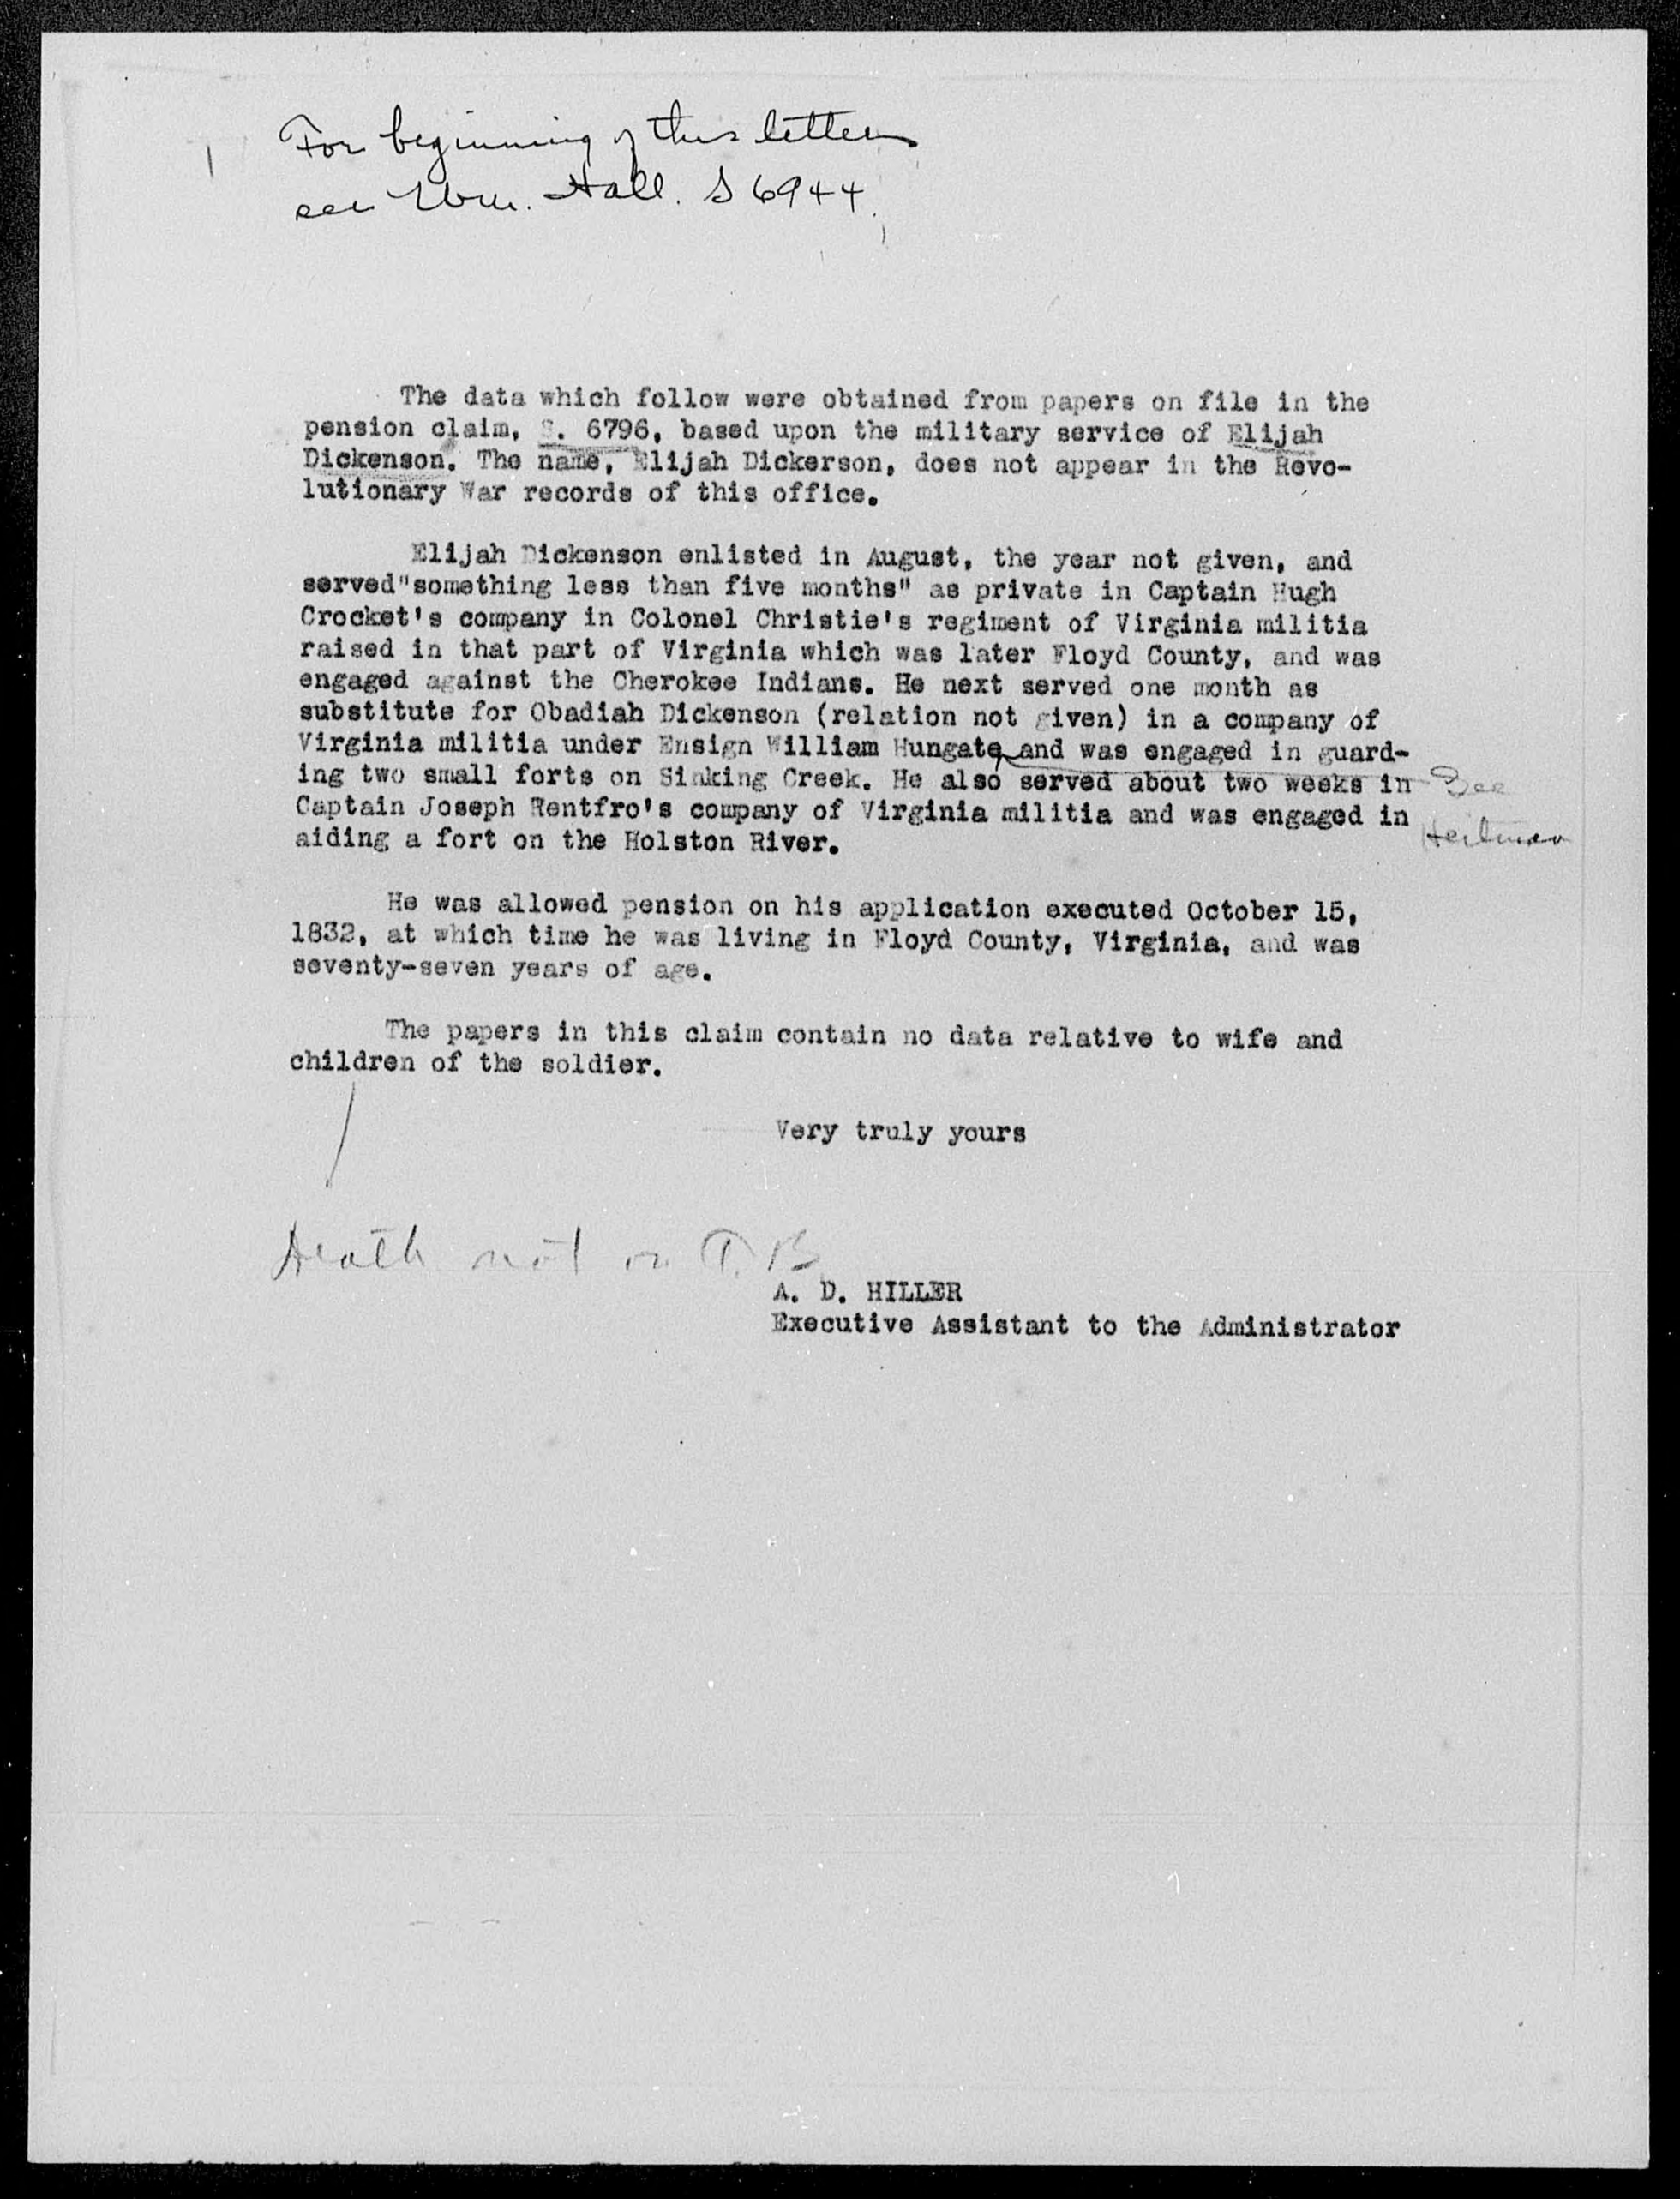For beginning of this letter see Wm. Hall, S6944
The data which follow were obtained from papers on file in the pension claim, S. 6796, based upon the military service of Elijah
Dickenson. The name Elijah Dickerson, does not appear in the Revolutionary War records of this office.
Elijah Dickenson enlisted in August, the year not given, and served "something less than five months" as private in Captain Hugh
Crockett's company in Colonel Christie's regiment of Virginia militia raised in that part of Virginia which was later Floyd County, and was engaged against the Cherokee Indians. He next served one month as substitute for Obadiah Dickenson (relation not given) in a company of Virginia militia under Ensign William Hungate and was engaged in guarding two small forts on Sinking Creek. He also served about two weeks in Captain Joseph Rentfro's company of Virginia militia and was engaged in aiding a fort on the Holston River.
He was allowed pension on his application executed October 15, 1832, at which time he was living in Floyd County, Virginia, and was
seventy-seven years of age.
The papers in this claim contain no data relative to wife and children of the soldier,
Very truly yours

A. D. HILLER
Executive Assistant to the Administrator

[handwritten]

death not on D. B. [arrow points to the word "children"]

See Heilman [arrow points to name Hungate]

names: Obadiah Dickenson, Elijah Dickenson, William Hungate, A D Hiller, William Heitman, Elijah Dickenson, Elijah Dickerson, Wm Hall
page: 11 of 12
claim: survivor's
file: S. 6796, Elijah Dickenson, Va.